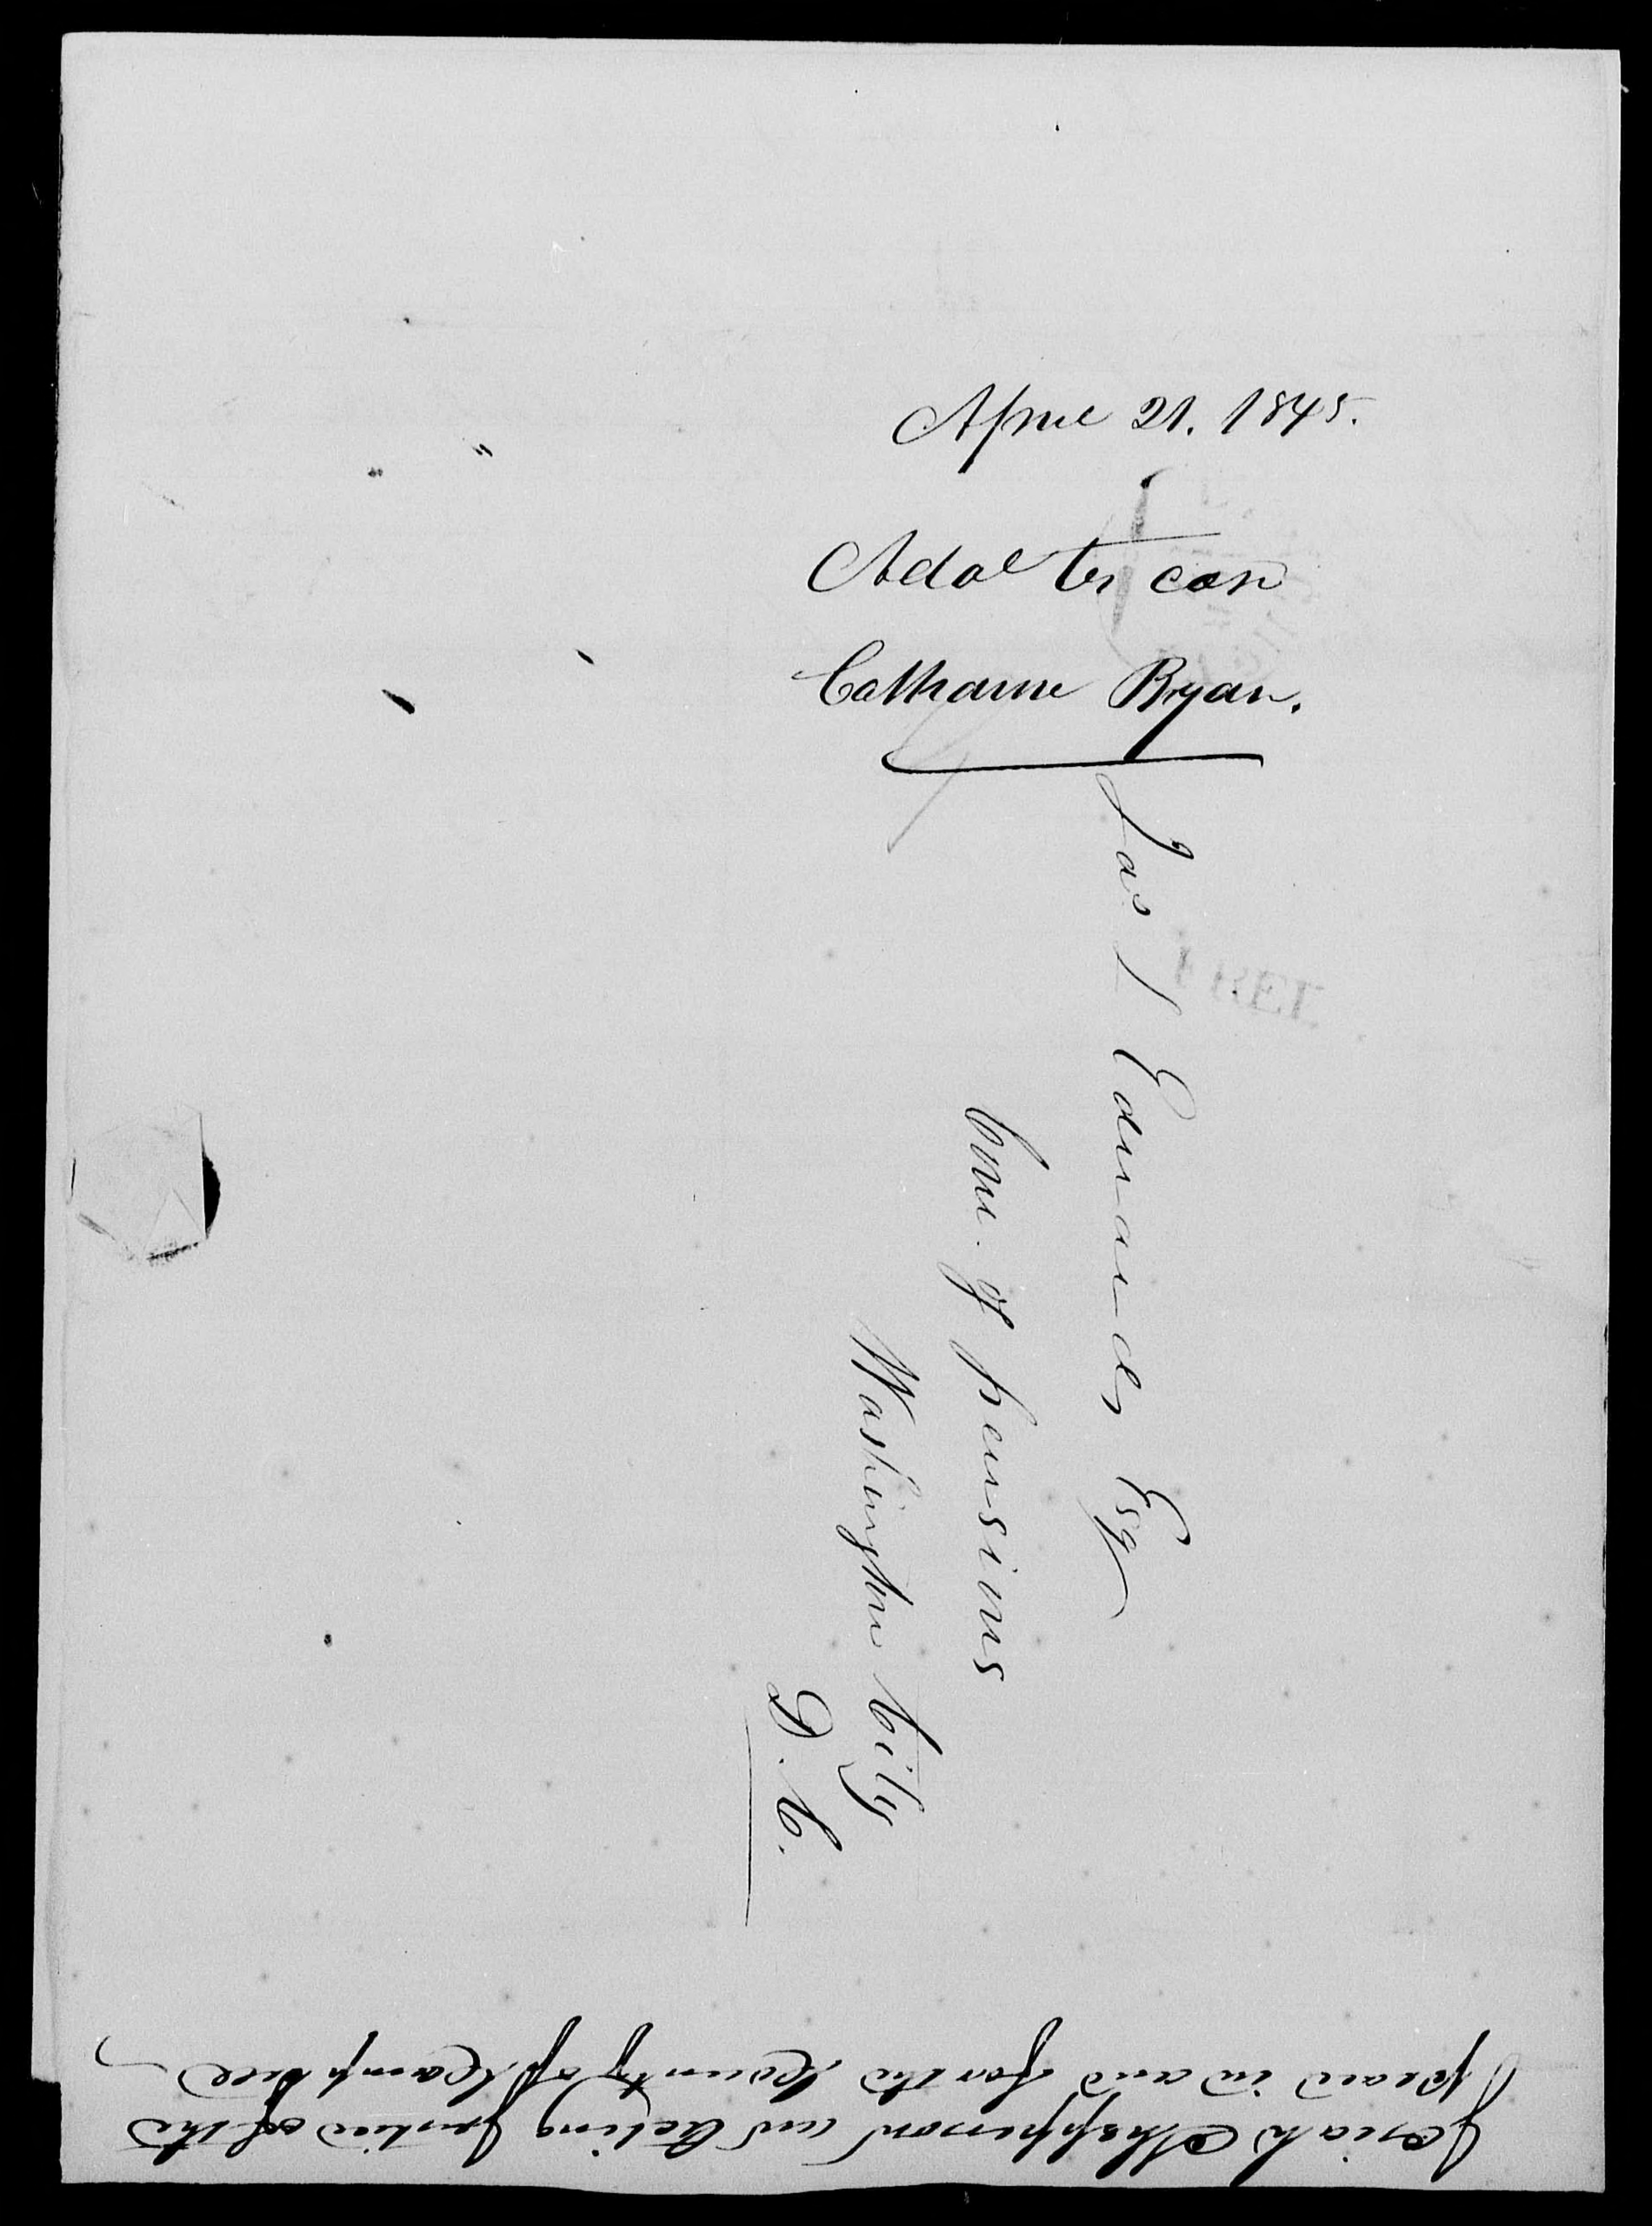April 21, 1845
Declaration 
[underlined] Catherine Bryan.

[sideways text] Jas L Edwards Esq
Comm of Pensions
Washington City
[underlined] D.C.

[backward text] Josiah Shepperson [illegible] Acting Justice of the Peace in and for the County of Campbell, State of Virginia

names: Jas L Edwards, Catharne Bryan, Josiah Shepperson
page: 25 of 31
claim: widow's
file: W. 3759, John Bryan, Va.